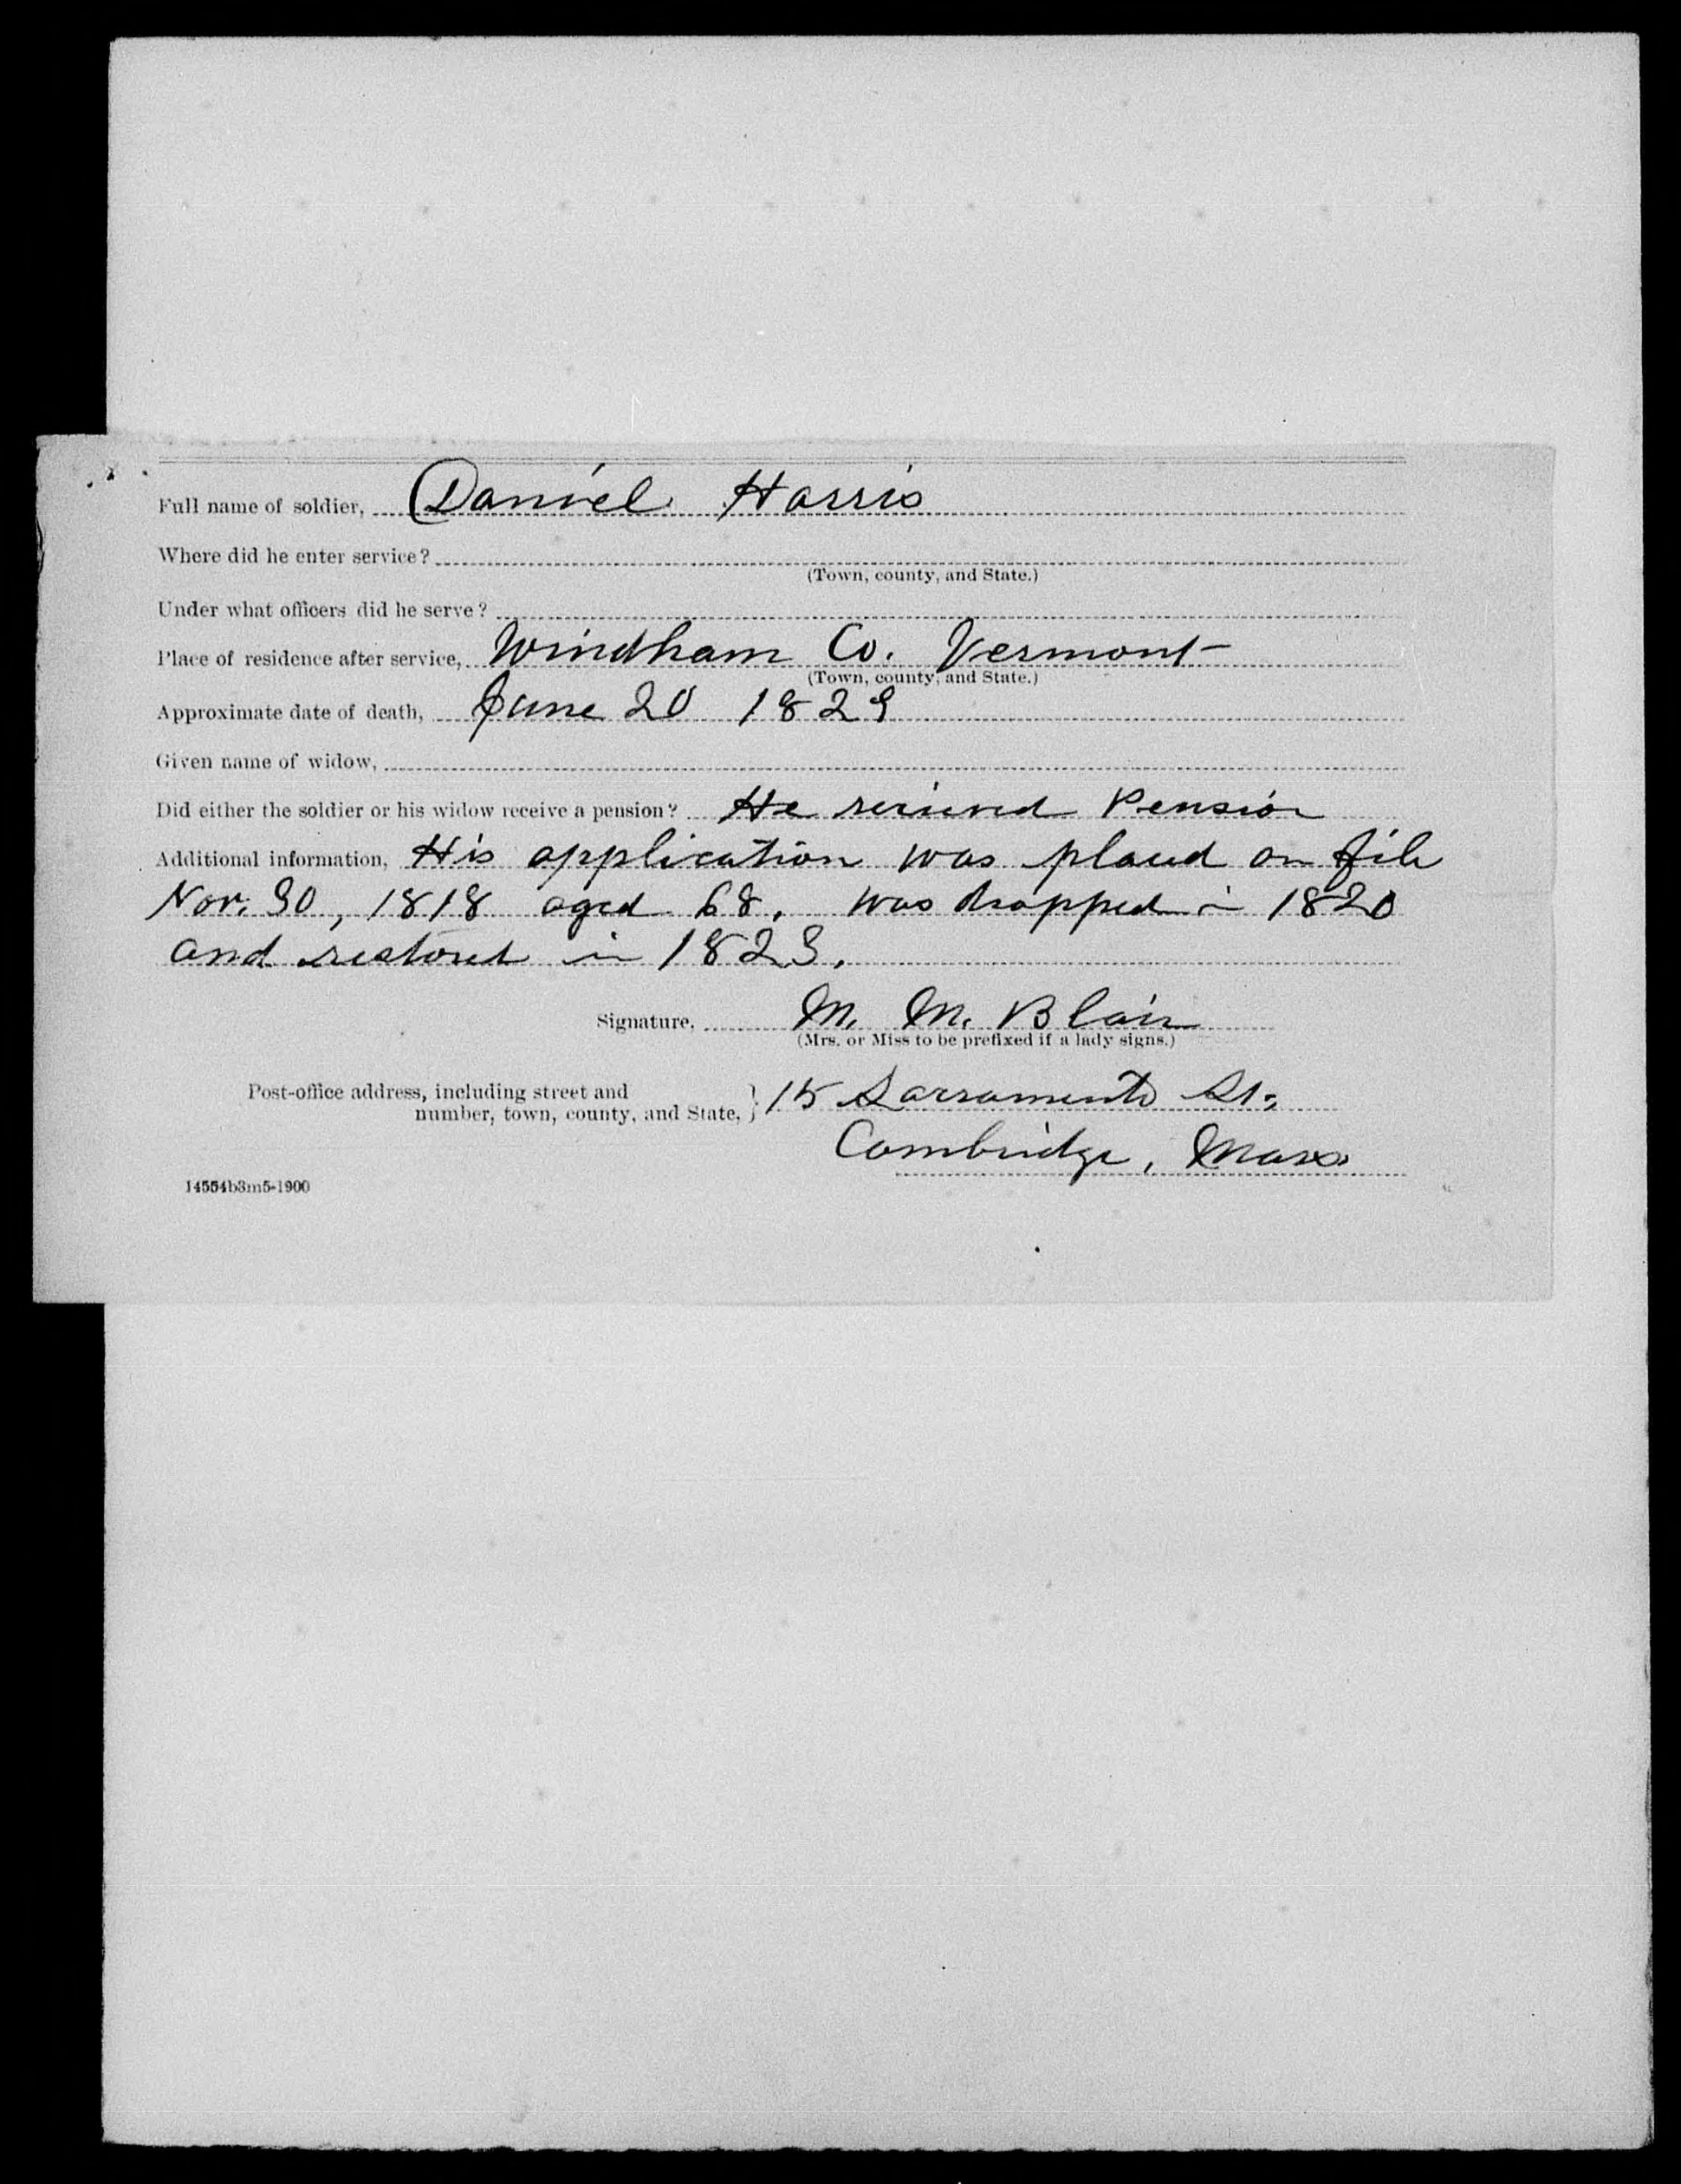Full name of soldier - Daniel Harris 

Where did he enter service? 

Under what officers did he serve?

Place of residence after service - Windham Co. Vermont

Approx. date of death - June 20 1829 or 1821?

Given name of widow

Did either the soldier or his widow receive a pension? He received Pension

Additional Information:  His application was placed on file No. 30, 1818  aged 68, was dropped in 1820 and restored in 1823. 

Signature - M.M. Blair

Post-office, address, including street and number, town, county, State -  15 Sacremto St. 
Cambridge, Mass.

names: Daniel Harris, M M Blair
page: 41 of 68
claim: survivor's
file: S. 29,877, Daniel Harris, Mass.